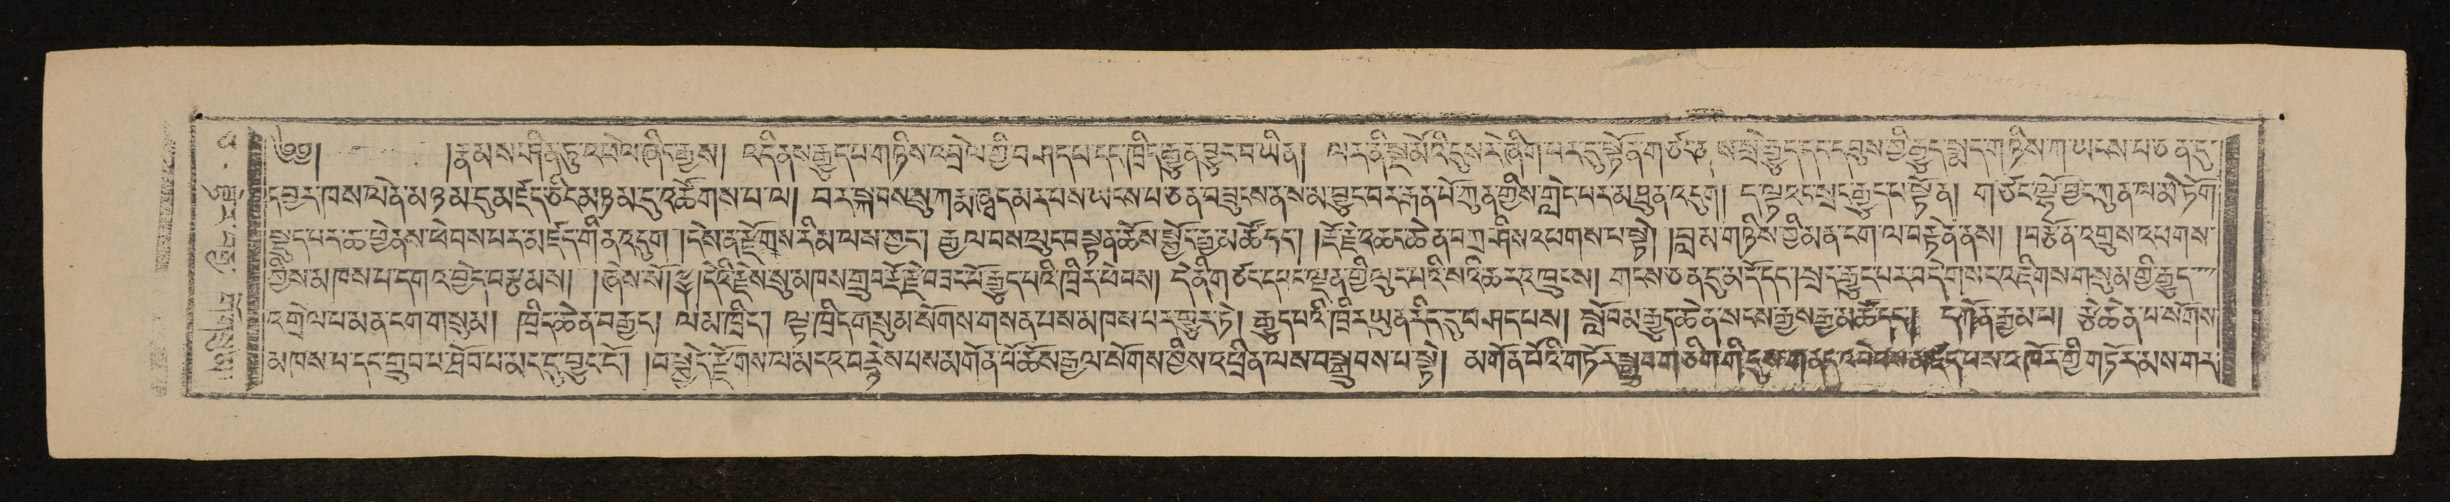༄༅། །རྣམས་ཤིན་ཏུ་འཕེལ་ཞིང་རྒྱས། འདི་ནས་རྒྱུད་པ་གཉིས་འབྲེལ་གྱི་བཤད་པ་དང་ཁྲིད་རྒྱུན་བྱུང་བ་ཡིན། ལར་ནི་སྔ་མོའི་དུས་རེ་ཞིག་བར་དུ་སྟོན་གཙང་ནས་སྲེ་རྒྱུད་དང་དབུས་ཀྱི་རྒྱུད་སྨད་གཉིས་ཀ་ཡངས་པ་ཅན་དུ་
དབྱར་ཁས་ལེན་མཉམ་དུ་མཛད་ཅིང་མཉམ་དུ་འཚོགས་པ་ལ། བར་སྐབས་སུ་ཀརྨ་ཞྭ་དམར་པས་ཡངས་པ་ཅན་བཟུངས་ནས་མ་བྱུང་བར་རྒན་པོ་ཀུན་གྱིས་གླེང་བར་མཐུན་འདུག། ད་ལྟའང་སྲང་རྒྱུད་པ་སྟོན། གཙང་ལྷོ་བྱང་ཀུན་ལ་མེ་ཏོག་
སྡུད་པར་ཆ་ཕྱེ་ནས་ཕེབས་པར་མཛད་གིན་འདུག །དེས་ན་རྫོགས་རིམ་ལས་ཀྱང་། རྒྱལ་བས་ལུང་བསྟན་ཆོས་སྐྱོང་རྒྱ་མཚོ་དང་། །རྡོ་རྗེ་འཆང་ཆེན་བཀྲ་ཤིས་འཕགས་པ་སྟེ། །བླ་མ་གཉིས་ཀྱི་མན་ངག་ལ་བརྟེན་ནས། །བརྩོན་འགྲུས་འཕགས་
ཀྱིས་མཁས་པ་དགའ་བྱེད་བརྩམས། །ཞེས་སོ། ༈ །དེའི་རྗེས་སུ་མཁས་གྲུབ་རྡོ་རྗེ་བཟང་པོ་རྒྱུད་པའི་ཁྲིར་ཕེབས། དེ་ནི་གཙང་དབང་ལྡན་གྱི་ལུང་པའི་སའི་ཆར་འཁྲུངས། གངས་ཅན་དུ་མདོ་དང་། སྲད་རྒྱུད་པར་བདེ་གསང་འཇིགས་གསུམ་གྱི་རྒྱུད་
འགྲེལ་པ་མན་ངག་གསུམ། ཁྲིད་ཆེན་བརྒྱད། ལམ་ཁྲིད། ལྟ་ཁྲིད་གསུམ་སོགས་གསན་པས་མཁས་པར་གྱུར་ཏེ། རྒྱུད་པའི་ཁྲིར་ཡུན་རིང་དུ་བཤད་པས། སློབ་མ་རྒྱུད་ཆེན་སངས་རྒྱས་རྒྱ་མཚོ་དང་། དཀོན་རྒྱམ་པ། རྩེ་ཆེན་པ་སོགས་
མཁས་པ་དང་གྲུབ་པ་ཐོབ་པ་མང་དུ་བྱུང་ངོ། །བསྐྱེད་རྫོགས་ལ་མངའ་བརྙེས་པས་མགོན་པོ་ཆོས་རྒྱལ་སོགས་ཀྱིས་འཕྲིན་ལས་བསྒྲུབས་པ་སྟེ། མགོན་པོའི་གཏོར་སྒྲུབ་གཅིག་གི་དུས་གནད་འབེབས་མཛད་པས་འཁོར་གྱི་གཏོར་མས་གར་